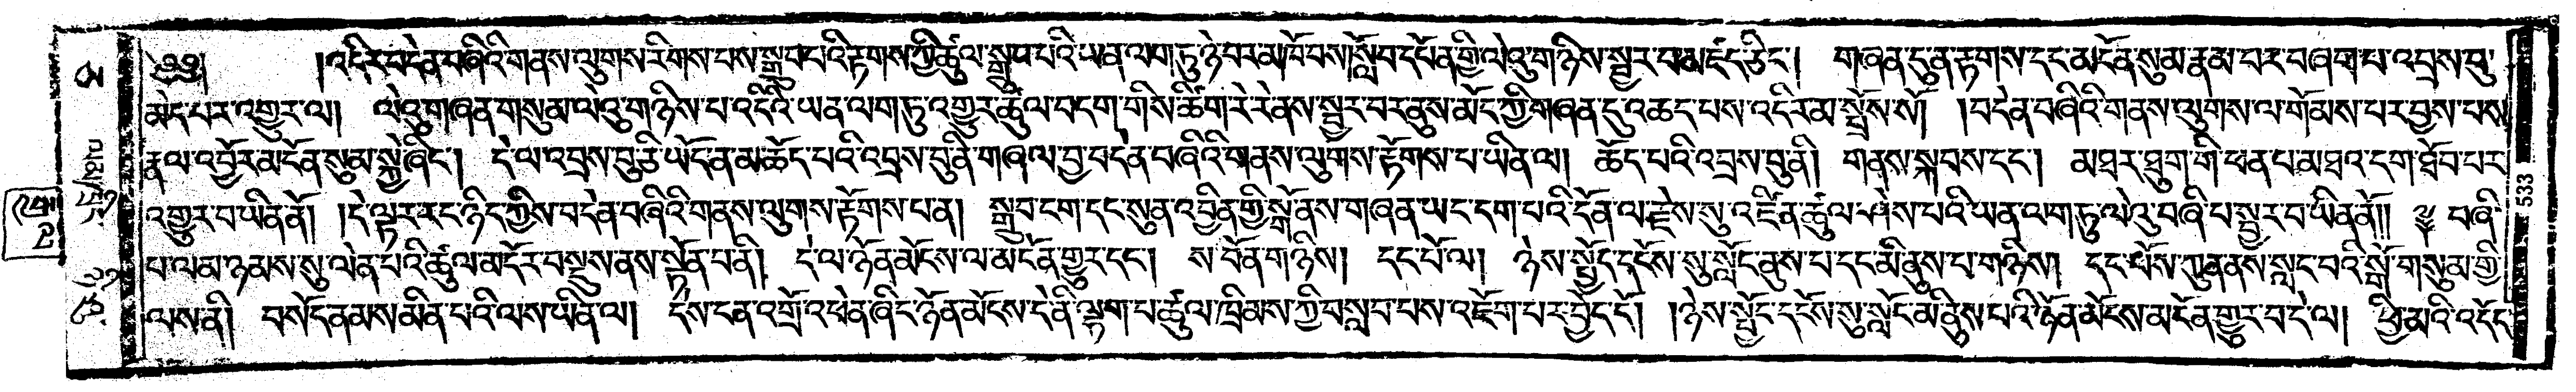༄༅། །འདིར་བདེན་བཞིའི་གནས་ལུགས་རིགས་པས་སྒྲུབ་པའི་རྟགས་ཀྱི་ཚུལ་སྒྲུབ་པའི་ཡན་ལག་ཏུ་ཉེ་བར་མཁོ་བས། སློབ་དཔོན་གྱི་ལེའུ་གཉིས་སྦྱར་བ་མཛད་ཅིང་། གཞན་དུ་ན་རྟགས་དང་མངོན་སུམ་རྣམ་པར་བཞག་པ་འབྲས་བུ་
མེད་པར་འགྱུར་ལ། ལེའུ་གཞན་གསུམ་ལེའུ་གཉིས་པ་འདིའི་ཡན་ལག་ཏུ་འགྱུར་ཚུལ་བདག་གིས་ཚིག་རེ་རེ་ནས་སྦྱར་བར་ནུས་མོད་ཀྱི་གཞན་དུ་འཆད་པས་འདིར་མ་སྤྲོས་སོ། །བདེན་བཞིའི་གནས་ལུགས་ལ་གོམས་པར་བྱས་པས་
རྣལ་འབྱོར་མངོན་སུམ་སྐྱེ་ཞིང་། དེ་ལ་འབྲས་བུ་ཅི་ཡོད་ན་མཆོད་པའི་འབྲས་བུ་ནི་གཞལ་བྱ་བདེན་བཞིའི་གནས་ལུགས་རྟོགས་པ་ཡིན་ལ། ཆོད་པའི་འབྲས་བུ་ནི། གནས་སྐབས་དང་། མཐར་ཐུག་གི་ཕན་པ་མཐའ་དག་ཐོབ་པར་
འགྱུར་བ་ཡིན་ནོ། །དེ་ལྟར་རང་ཉིད་ཀྱིས་བདེན་བཞིའི་གནས་ལུགས་རྟོགས་པ་ན། སྒྲུབ་ངག་དང་སུན་འབྱིན་གྱི་སྒོ་ནས་གཞན་ཡང་དག་པའི་དོན་ལ་རྗེས་སུ་འཛིན་ཚུལ་ཤེས་པའི་ཡན་ལག་ཏུ་ལེའུ་བཞི་པ་སྦྱར་བ་ཡིན་ནོ།། ༈ བཞི་
པ་ལམ་ཉམས་སུ་ལེན་པའི་ཚུལ་མདོར་བསྡུས་ནས་སྟོན་པ་ནི། དེ་ལ་ཉོན་མོངས་ལ་མངོན་གྱུར་དང་། ས་བོན་གཉིས། དང་པོ་ལ། ཉེས་སྤྱོད་དངོས་སུ་སློང་ནུས་པ་དང་མི་ནུས་པ་གཉིས། དང་པོས་ཀུན་ནས་སླང་བའི་སྒོ་གསུམ་གྱི་
ལས་ནི། བསོད་ནམས་མིན་པའི་ལས་ཡིན་ལ། དེས་ངན་འགྲོ་འཕེན་ཞིང་ཉོན་མོངས་དེ་ནི་ལྷག་པ་ཚུལ་ཁྲིམས་ཀྱི་བསླབ་པས་འཇོག་པར་བྱེད་དོ། །ཉེས་སྤྱོད་དངོས་སུ་སློང་མི་ནུས་པའི་ཉོན་མོངས་མངོན་གྱུར་བ་དེ་ལ། ཕྱི་མའི་འདོད་